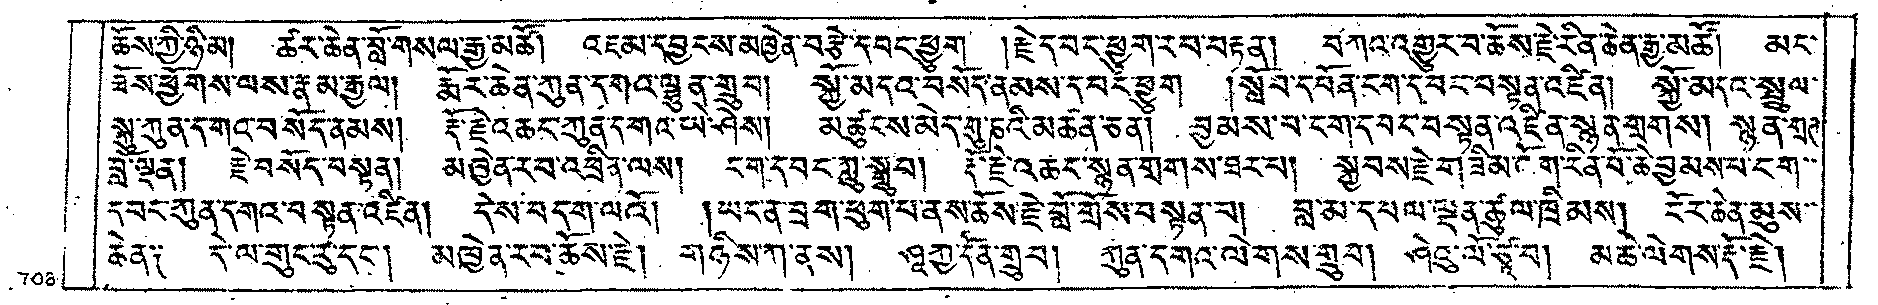ཆོས་ཀྱི་ཉི་མ། ཚར་ཆེན་བློ་གསལ་རྒྱ་མཚོ། འཇམ་དབྱངས་མཁྱེན་བརྩེ་དབང་ཕྱུག །རྗེ་དབང་ཕྱུག་རབ་བརྟན། བཀའ་འགྱུར་བ་ཆོས་རྗེ་རིན་ཆེན་རྒྱ་མཚོ། མང་
ཐོས་ཕྱོགས་ལས་རྣམ་རྒྱལ། རྨོར་ཆེན་ཀུན་དགའ་ལྷུན་གྲུབ། སྐྱོ་མདའ་བསོད་ནམས་དབང་ཕྱུག །སློབ་དཔོན་ངག་དབང་བསྟན་འཛིན། སྐྱོ་མདའ་སྤྲུལ་
སྐུ་ཀུན་དགའ་བསོད་ནམས། རྡོ་རྗེ་འཆང་ཀུན་དགའ་ཡེ་ཤེས། མཚུངས་མེད་གུ་ཎའི་མཚན་ཅན། བྱམས་པ་ངག་དབང་བསྟན་འཛིན་སྙན་གྲགས། སྙན་གྲགས་
བློ་ལྡན། རྗེ་བསོད་བསྟན། མཁྱེན་རབ་འཕྲིན་ལས། ངག་དབང་ཀླུ་སྒྲུབ། རྡོ་རྗེ་འཆང་སྙན་གྲགས་ཐར་པ། སྐྱབས་རྗེ་གཟིམ་འོག་རིན་པོ་ཆེ་བྱམས་པ་ངག་
དབང་ཀུན་དགའ་བསྟན་འཛིན། དེས་བདག་ལའོ། །ཡང་ན་བྲག་ཕུག་པ་ནས་ཆོས་རྗེ་བློ་གྲོས་བསྟན་པ། བླ་མ་དཔལ་ལྡན་ཚུལ་ཁྲིམས། ངོར་ཆེན་མུས་
ཆེན༑ དེ་ལ་གུང་རུ་དང་། མཁྱེན་རབ་ཆོས་རྗེ། གཉིས་ཀ་ནས། ཤཱཀྱ་དོན་གྲུབ། ཀུན་དགའ་ལེགས་གྲུབ། ཤེའུ་ལོ་ཙཱ་བ། མཆེ་ལེགས་རྡོ་རྗེ།